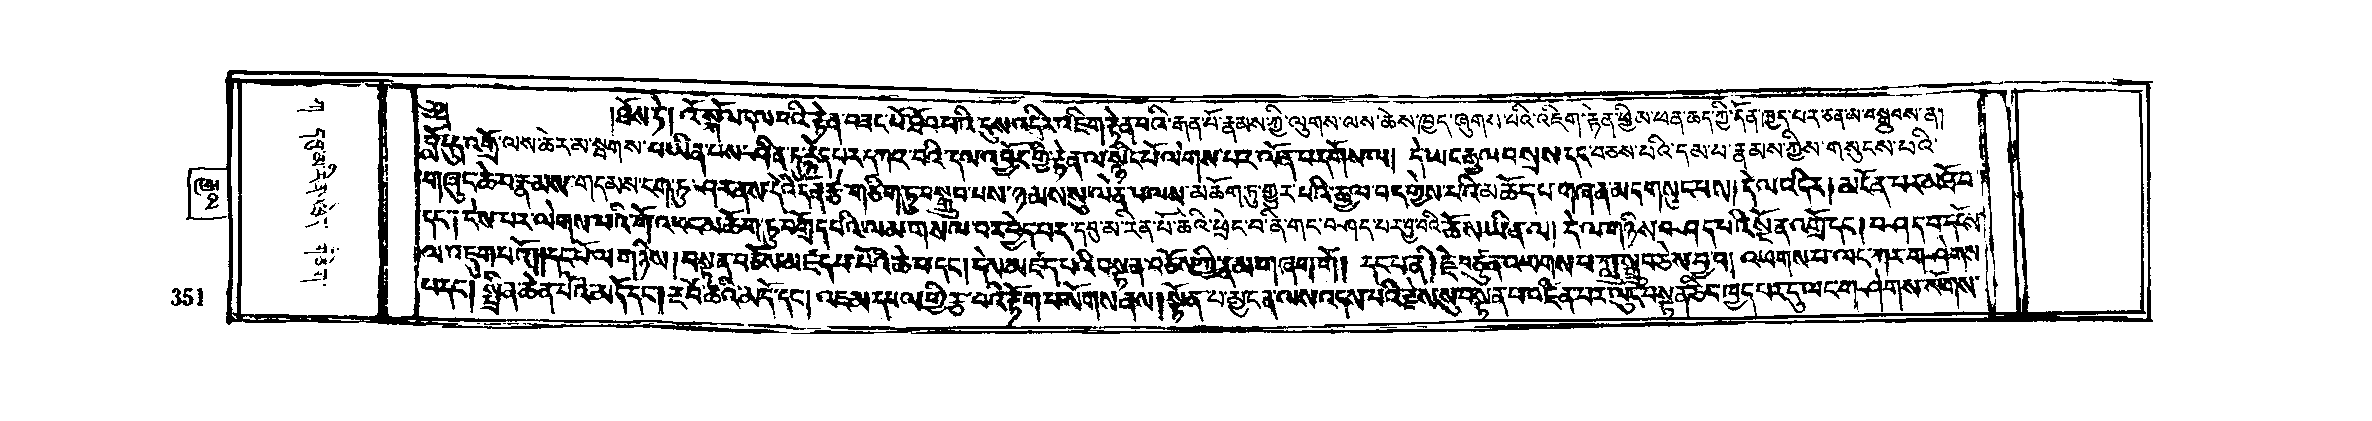༄༅། །ཐོས་ཏེ། འོ་སྐོལ་དལ་བའི་རྟེན་བཟང་པོ་ཐོབ་པའི་དུས་འདིར་འཇིག་རྟེན་པའི་རྒན་པོ་རྣམས་ཀྱི་ལུགས་ལས་ཆེས་ཁྱད་ཞུགས་པའི་འཇིག་རྟེན་ཕྱི་མ་ཕན་ཆད་ཀྱི་དོན་ཁྱད་པར་ཅན་མ་བསྒྲུབས་ན།
བློ་དུད་འགྲོ་ལས་ཆེར་མ་སྦགས་པ་ཡིན་པས་ཤིན་ཏུ་རྙེད་པར་དཀའ་བའི་དལ་འབྱོར་གྱི་རྟེན་ལ་སྙིང་པོ་ལེགས་པར་ལོན་པ་དགོས་ལ། དེ་ཡང་རྒྱལ་བསྲས་དང་བཅས་པའི་དམ་པ་རྣམས་ཀྱིས་གསུངས་པའི་
གཞུང་ཆེ་བ་རྣམས་གདམས་ངག་ཏུ་ཤར་ནས་དེའི་དོན་རྩེ་གཅིག་ཏུ་བསྒྲུབ་པས་ཉམས་སུ་ལེན་པ་ལས་མཆོག་ཏུ་གྱུར་པའི་རྒྱལ་བ་དགྱེས་པའི་མཆོད་པ་གཞན་མང་གསུང་པས། དེ་ལ་འདིར། མངོན་པར་མཐོ་བ་
དང་། ངེས་པར་ལེགས་པའི་གོ་འཕང་མཆོག་ཏུ་བགྲོད་པའི་ལམ་གསལ་བར་བྱེད་པར་དབུ་མ་རིན་པོ་ཆེའི་ཕྲེང་བ་ནི་གང་བཤད་པར་བྱ་བའི་ཆོས་ཡིན་ལ། དེ་ལ་གཉིས་བཤད་པའི་སྔོན་འགྲོ་དང་། བཤད་པ་དངོས་
ལ་འཇུག་པའོ། །དང་པོ་ལ་གཉིས། བསྟན་བཅོས་མཛད་པ་པོའི་ཆེ་བ་དང་། དེས་མཛད་པའི་བསྟན་བཅོས་ཀྱི་རྣམ་གཞག་གོ །དང་པོ་ནི། རྗེ་བཙུན་འཕགས་པ་ཀླུ་སྒྲུབ་ཅེས་བྱ་བ། འཕགས་པ་ལང་ཀར་གཤེགས་
པ་དང་། སྤྲིན་ཆེན་པོའི་མདོ་དང་། རྔ་བོ་ཆེའི་མདོ་དང་། འཇམ་དཔལ་གྱི་རྩ་བའི་རྟོག་པ་སོགས་ནས། སྟོན་པ་མྱ་ངན་ལས་འདས་པའི་རྗེས་སུ་བསྟན་པ་འཛིན་པར་ལུང་བསྟན་ཅིང་ཁྱད་པར་དུ་ལང་གཤེགས་སོགས་